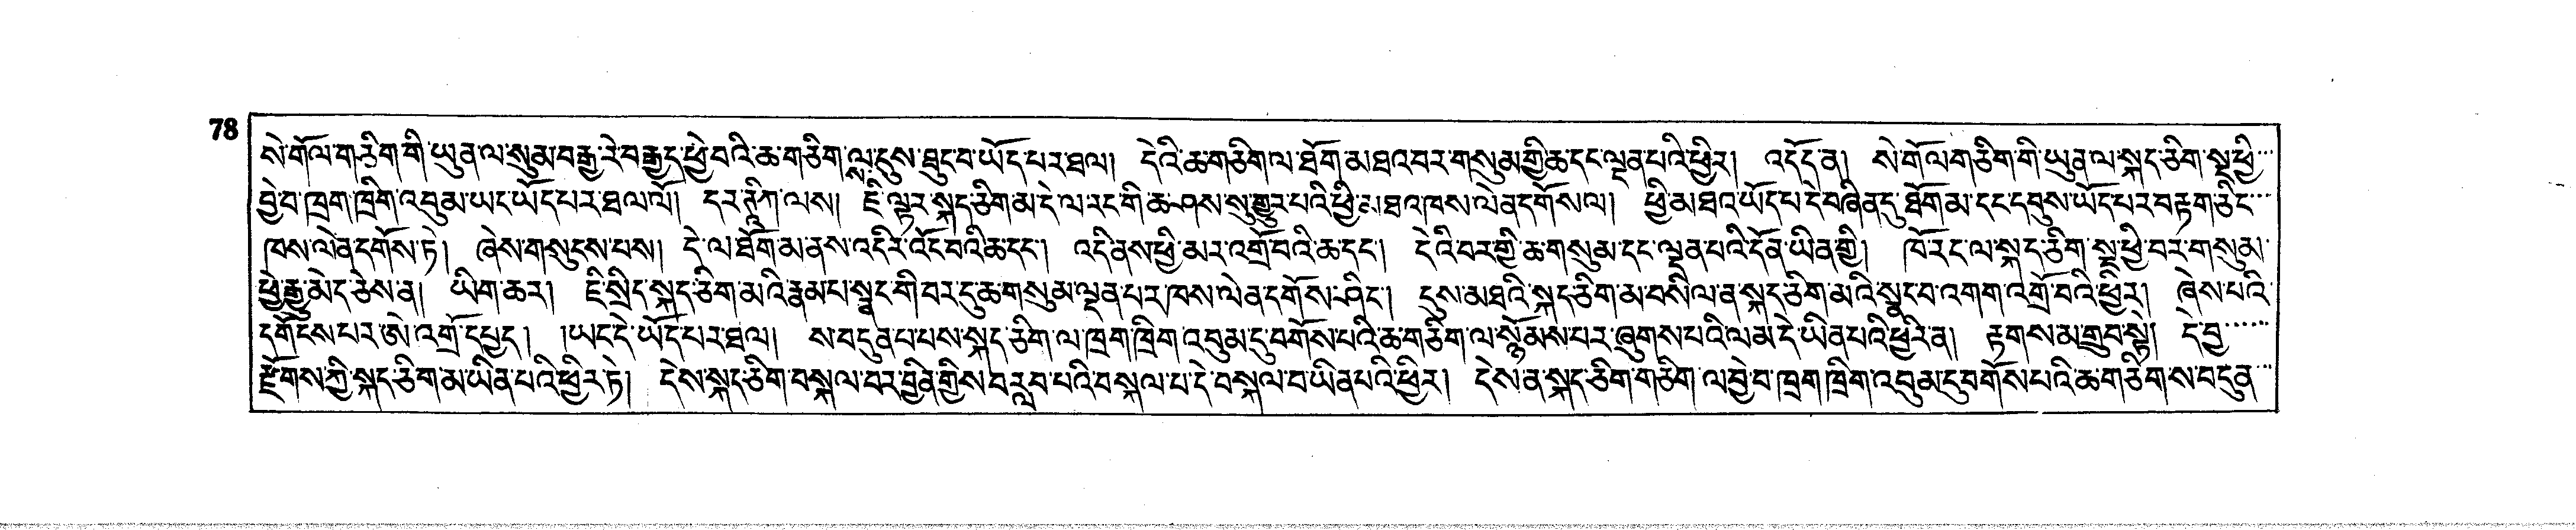སེ་གོལ་གཅིག་གི་ཡུན་ལ་སུམ་བརྒྱ་རེ་བརྒྱད་ཕྱེ་བའི་ཆ་གཅིག་ལས་དུས་ཐུང་བ་ཡོད་པར་ཐལ། དེའི་ཆ་གཅིག་ལ་ཐོག་མཐའ་བར་གསུམ་གྱི་ཆ་དང་ལྡན་པའི་ཕྱིར། འདོད་ན། སེ་གོལ་གཅིག་གི་ཡུན་ལ་སྐད་ཅིག་སྔ་ཕྱི་
བྱེ་བ་ཁྲག་ཁྲིག་འབུམ་ཡང་ཡོད་པར་ཐལ་ལོ། དར་ཊཱིཀ་ལས། ཇི་ལྟར་སྐད་ཅིག་མ་དེ་ལ་རང་གི་ཆ་ཤས་སུ་གྱུར་པའི་ཕྱི་མཐའ་ཁས་ལེན་དགོས་ལ། ཕྱི་མཐའ་ཡོད་པ་དེ་བཞིན་དུ་ཐོག་མ་དང་དབུས་ཡོད་པར་བརྟག་ཅིང་
ཁས་ལེན་དགོས་ཏེ། ཞེས་གསུངས་པས། དེ་ལ་ཐོག་མ་ནས་འདིར་འོང་བའི་ཆ་དང་། འདི་ནས་ཕྱི་མར་འགྲོ་བའི་ཆ་དང་། དེའི་བར་གྱི་ཆ་གསུམ་དང་ལྡན་པའི་དོན་ཡིན་གྱི། ཁོ་རང་ལ་སྐད་ཅིག་སྔ་ཕྱི་བར་གསུམ་
ཕྱེ་རྒྱུ་མེད་ཅེས་ན། ཡིག་ཆར། ཇི་སྲིད་སྐད་ཅིག་མའི་རྣམ་པ་སྣང་གི་བར་དུ་ཆ་གསུམ་ལྡན་པར་ཁས་ལེན་དགོས་ཤིང་། དུས་མཐའི་སྐད་ཅིག་མ་བསིལ་ན་སྐད་ཅིག་མའི་སྣང་བ་འགག་འགྲོ་བའི་ཕྱིར། ཞེས་པའི་
དགོངས་པར་ཨེ་འགྲོ་དཔྱད། །ཡང་དེ་ཡོད་པར་ཐལ། ས་བདུན་པ་པས་སྐད་ཅིག་ལ་ཁྲག་ཁྲིག་འབུམ་དུ་བགོས་པའི་ཆ་གཅིག་ལ་སྙོམས་པར་ཞུགས་པའི་ལམ་དེ་ཡིན་པའི་ཕྱིར་ན། རྟགས་མ་གྲུབ་སྟེ། དེ་བྱ་
རྫོགས་ཀྱི་སྐད་ཅིག་མ་ཡིན་པའི་ཕྱིར་ཏེ། དེས་སྐད་ཅིག་བསྐལ་བར་བྱིན་གྱིས་བརླབ་པའི་བསྐལ་པ་དེ་བསྐལ་བ་ཡིན་པའི་ཕྱིར། དེས་ན་སྐད་ཅིག་གཅིག་ལ་བྱེ་བ་ཁྲག་ཁྲིག་འབུམ་དུ་བགོས་པའི་ཆ་གཅིག་ས་བདུན་